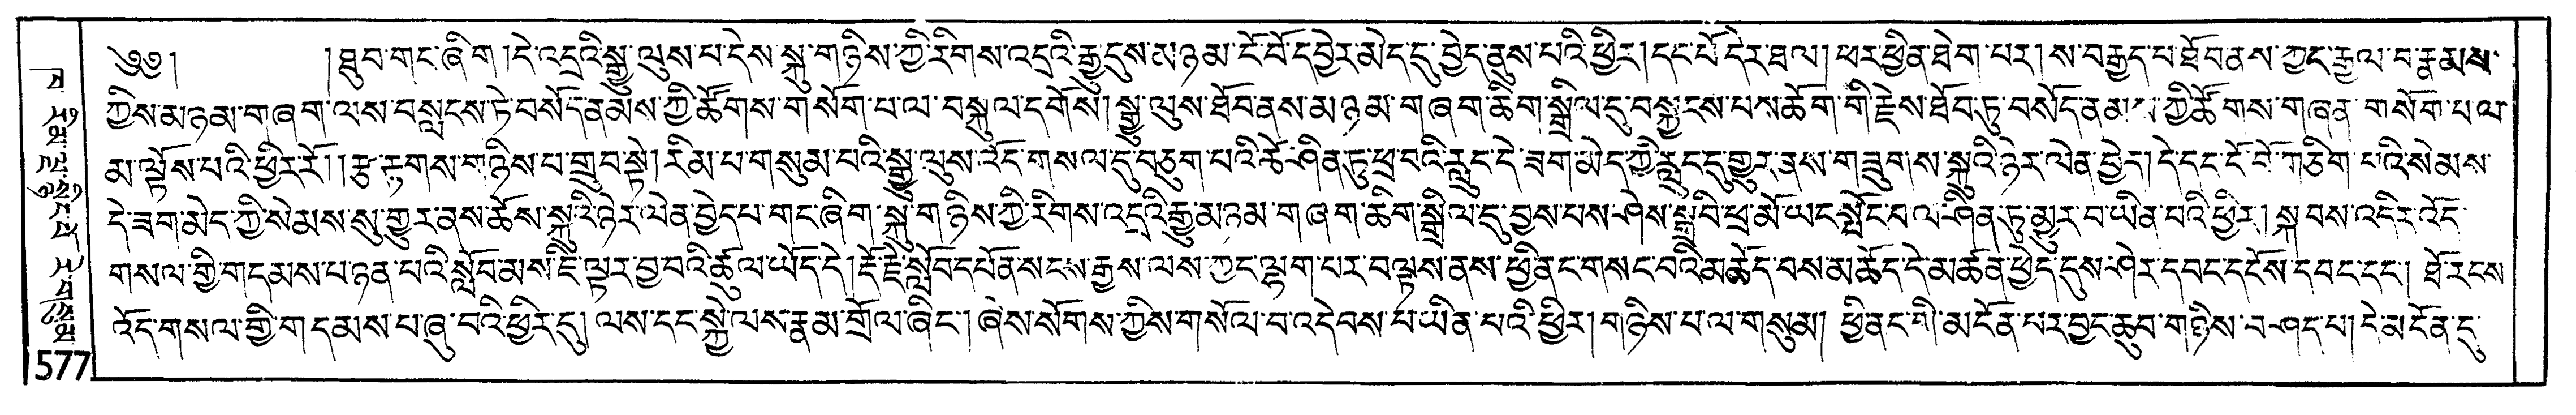༄༅། །ཐུབ་གང་ཞིག །དེ་འདྲའི་སྒྱུ་ལུས་པ་དེས་སྐུ་གཉིས་ཀྱི་རིགས་འདྲའི་རྒྱུ་དུས་མཉམ་ངོ་བོ་དབྱེར་མེད་དུ་བྱེད་ནུས་པའི་ཕྱིར། དང་པོ་དེར་ཐལ། ཕར་ཕྱིན་ཐེག་པར། ས་བརྒྱད་པ་ཐོབ་ནས་ཀྱང་རྒྱལ་བ་རྣམས་
ཀྱིས་མཉམ་གཞག་ལས་བསླངས་ཏེ་བསོད་ནམས་ཀྱི་ཚོགས་གསོག་པ་ལ་བསྐུལ་དགོས། སྒྱུ་ལུས་ཐོབ་ནས་མཉམ་གཞག་ཆིག་སྒྲིལ་དུ་བསྐྱངས་པས་ཆོག་གི་རྗེས་ཐོབ་ཏུ་བསོད་ནམས་ཀྱི་ཚོགས་གཞན་གསོག་པ་ལ་
མ་ལྟོས་པའི་ཕྱིར་རོ། །རྩ་རྟགས་གཉིས་པ་གྲུབ་སྟེ། རིམ་པ་གསུམ་པའི་སྒྱུ་ལུས་འོད་གསལ་དུ་བཅུག་པའི་ཚེ་ཤིན་ཏུ་ཕྲ་བའི་རླུང་དེ་ཟག་མེད་ཀྱི་རླུང་དུ་གྱུར་ནས་གཟུགས་སྐུའི་ཉེར་ལེན་བྱེད། དེ་དང་ངོ་བོ་གཅིག་པའི་སེམས་
དེ་ཟག་མེད་ཀྱི་སེམས་སུ་གྱུར་ནས་ཆོས་སྐུའི་ཉེར་ལེན་བྱེད་པ་གང་ཞིག་སྐུ་གཉིས་ཀྱི་རིགས་འདྲའི་རྒྱུ་མཉམ་གཞག་ཆིག་སྒྲིལ་དུ་བྱས་པས་ཤེས་སྒྲིབ་ཕྲ་མོ་ཡང་སྤོང་བ་ལ་ཤིན་ཏུ་མྱུར་བ་ཡིན་པའི་ཕྱིར། སྐབས་འདིར་འོད་
གསལ་གྱི་གདམས་པ་ཉན་པའི་སློབ་མས་ཇི་ལྟར་བྱ་བའི་ཚུལ་ཡོད་དེ། རྡོ་རྗེ་སློབ་དཔོན་སངས་རྒྱས་ལས་ཀྱང་ལྷག་པར་བལྟས་ནས་ཕྱི་ནང་གསང་བའི་མཆོད་པས་མཆོད་དེ་མཚན་ཕྱེད་དུས་ཤེར་དབང་དངོས་དབང་དང་། ཐོ་རངས་
འོད་གསལ་གྱི་གདམས་པ་ཞུ་བའི་ཕྱིར་དུ། ལས་དང་སྐྱེ་ལས་རྣམ་གྲོལ་ཞིང་། ཞེས་སོགས་ཀྱིས་གསོལ་བ་འདེབས་པ་ཡིན་པའི་ཕྱིར། གཉིས་པ་ལ་གསུམ། ཕྱི་ནང་གི་མངོན་པར་བྱང་ཆུབ་གཉིས་བཤད་པ། དེ་མངོན་དུ་